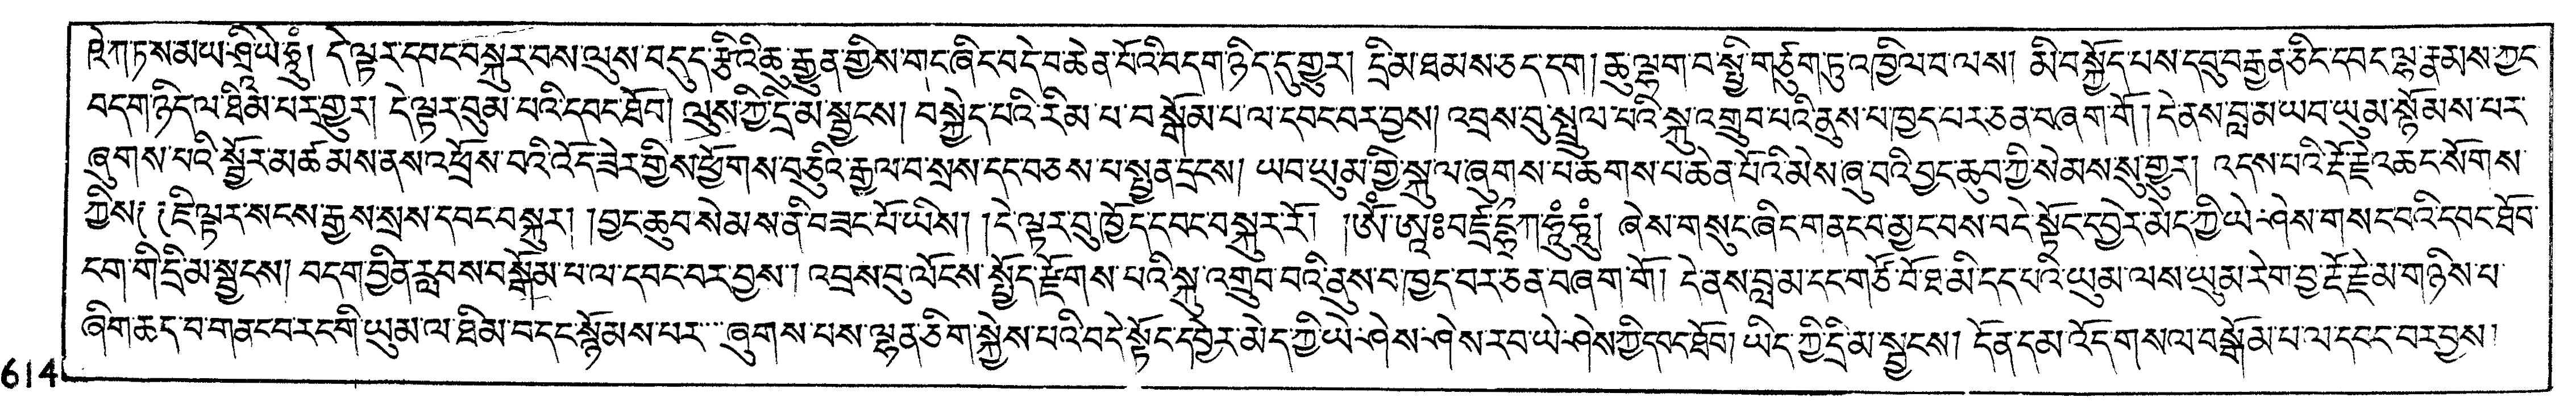ཥེ་ཀ་ཏ་ས་མ་ཡ་ཤྲཱི་ཡེ་ཧཱུཾ། དེ་ལྟར་དབང་བསྐུར་བས་ལུས་བདུད་རྩིའི་ཆུ་རྒྱུན་གྱིས་གང་ཞིང་བདེ་བ་ཆེན་པོའི་བདག་ཉིད་དུ་གྱུར། དྲི་མ་ཐམས་ཅད་དག །ཆུ་ལྷག་བ་སྤྱི་གཙུག་ཏུ་འཁྱིལ་བ་ལས། མི་བསྐྱོད་པས་དབུ་བརྒྱན་ཅིང་དབང་ལྷ་རྣམས་ཀྱང་
བདག་ཉིད་ལ་ཐིམ་པར་གྱུར། དེ་ལྟར་བུམ་པའི་དབང་ཐོབ། ལུས་ཀྱི་དྲི་མ་སྦྱངས། བསྐྱེད་པའི་རིམ་པ་བསྒོམ་པ་ལ་དབང་བར་བྱས། འབྲས་བུ་སྤྲུལ་པའི་སྐུ་འགྲུབ་པའི་ནུས་པ་ཁྱད་པར་ཅན་བཞག་གོ །དེ་ནས་བླ་མ་ཡབ་ཡུམ་སྙོམས་པར་
ཞུགས་པའི་སྦྱོར་མཚམས་ནས་འཕྲོས་བའི་འོད་ཟེར་གྱིས་ཕྱོགས་བཅུའི་རྒྱལ་བ་སྲས་དང་བཅས་པ་སྤྱན་དྲངས། ཡབ་ཡུམ་གྱི་སྐུ་ལ་ཞུགས་པ་ཆགས་པ་ཆེན་པོའི་མེས་ཞུ་བའི་བྱང་ཆུབ་ཀྱི་སེམས་སུ་གྱུར། འདས་པའི་རྡོ་རྗེ་འཆང་སོགས་
ཀྱིས༑ ༑ཇི་ལྟར་སངས་རྒྱས་སྲས་དབང་བསྐུར། །བྱང་ཆུབ་སེམས་ནི་བཟང་པོ་ཡིས། །དེ་ལྟར་བུ་ཁྱོད་དབང་བསྐུར་རོ། །ཨོཾ་ཨཱཿ བཛྲ་དྷྲྀ་ཀ་ཧཱུཾ་ཧཱུཾ། ཞེས་གསུང་ཞིང་གནང་བ་མྱང་བས་བདེ་སྟོང་དབྱེར་མེད་ཀྱི་ཡེ་ཤེས་གསང་བའི་དབང་ཐོབ་
ངག་གི་དྲི་མ་སྦྱངས། བདག་བྱིན་རླབས་བསྒོམ་པ་ལ་དབང་བར་བྱས། འབྲས་བུ་ལོངས་སྤྱོད་རྫོགས་པའི་སྐུ་འགྲུབ་པའི་ནུས་པ་ཁྱད་པར་ཅན་བཞག་གོ །དེ་ནས་བླ་མ་དང་གཙོ་བོ་ཐ་མི་དད་པའི་ཡུམ་ལས་ཡུམ་རེག་བྱ་རྡོ་རྗེ་མ་གཉིས་པ་
ཞིག་ཆད་བ་གནང་བ་རང་གི་ཡུམ་ལ་ཐིམ་བ་དང་སྙོམས་པར་ཞུགས་པས་ལྷན་ཅིག་སྐྱེས་པའི་བདེ་སྟོང་དབྱེར་མེད་ཀྱི་ཡེ་ཤེས་ཤེས་རབ་ཡེ་ཤེས་ཀྱི་དབང་ཐོབ། ཡིད་ཀྱི་དྲི་མ་སྦྱངས། དོན་དམ་འོད་གསལ་བསྒོམ་པ་ལ་དབང་བར་བྱས།